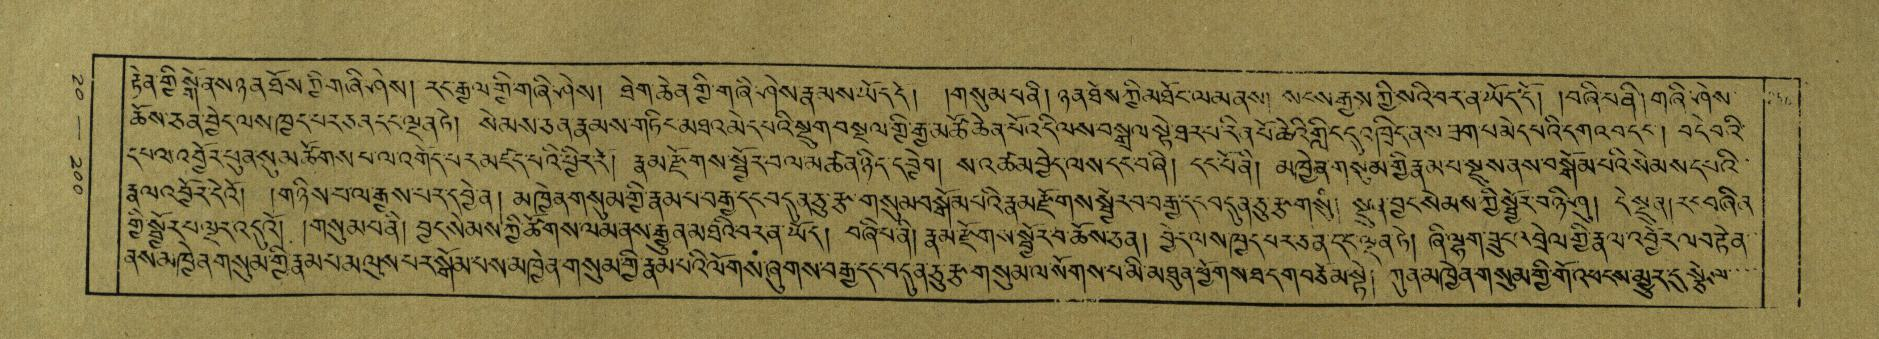རྟེན་གྱི་སྒོ་ནས་ཉན་ཐོས་ཀྱི་གཞི་ཤེས། རང་རྒྱལ་གྱི་གཞི་ཤེས། ཐེག་ཆེན་གྱི་གཞི་ཤེས་རྣམས་ཡོད་དོ། །གསུམ་པ་ནི། ཉན་ཐོས་ཀྱི་མཐོང་ལམ་ནས། སངས་རྒྱས་ཀྱི་སའི་བར་ན་ཡོད་དོ། །བཞི་པ་ནི། གཞི་ཤེས་
ཆོས་ཅན་བྱེད་ལས་ཁྱད་པར་ཅན་དང་ལྡན་ཏེ། སེམས་ཅན་རྣམས་གཏིང་མཐའ་མེད་པའི་སྡུག་བསྔལ་གྱི་རྒྱ་མཚོ་ཆེན་པོ་འདི་ལས་བསྒྲལ་སྟེ་ཐར་པ་རིན་པོ་ཆེའི་གླིང་དུ་འཁྲིད་ནས་ཟག་པ་མེད་པའི་དགའ་བ་དང་། བདེ་བའི་
དཔལ་འབྱོར་ཕུན་སུམ་ཚོགས་པ་ལ་འགོད་པར་མཛད་པའི་ཕྱིར་རོ། རྣམ་རྫོགས་སྦྱོར་བ་ལ་མཚན་ཉིད་དབྱེ་བ། ས་འཚམ་བྱེད་ལས་དང་བཞི། དང་པོ་ནི། མཁྱེན་གསུམ་གྱི་རྣམ་པ་སྡུས་ནས་བསྒོམ་པའི་སེམས་དཔའི་
རྣལ་འབྱོར་དེའོ། །གཉིས་པ་ལ་རྒྱས་པར་དབྱེ་ན། མཁྱེན་གསུམ་གྱི་རྣམ་པ་བརྒྱ་དང་བདུན་ཅུ་རྩ་གསུམ་བསྒོམ་པའི་རྣམ་རྫོགས་སྦྱོར་བ་བརྒྱ་དང་བདུན་ཅུ་རྩ་གསུཾ། སྡུན་བྱང་སེམས་ཀྱི་སྦྱོར་བ་ཉི་ཤུ། དེ་སྡུ་ན། རང་བཞིན་
གྱི་སྦྱོར་བ་ལྔར་འདུའོ། །གསུམ་པ་ནི། བྱང་སེམས་ཀྱི་ཚོགས་ལམ་ནས་རྒྱུན་མཐའི་བར་ན་ཡོད། བཞི་པ་ནི། རྣམ་རྫོགས་སྦྱོར་བ་ཆོས་ཅན། བྱེད་ལས་ཁྱད་པར་ཅན་དང་ལྡན་ཏེ། ཞི་ལྷག་ཟུང་འབྲེལ་གྱི་རྣལ་འབྱོར་ལ་བརྟེན་
ནས་མཁྱེན་གསུམ་གྱི་རྣམ་པ་མ་ལུས་པར་སྒོམ་པས་མཁྱེན་གསུམ་གྱི་རྣམ་པའི་ལོགས་ཞུགས་བརྒྱ་དང་བདུན་ཅུ་རྩ་གསུམ་ལ་སོགས་པ་མི་མཐུན་ཕྱོགས་ཐ་དག་བཅོམ་སྟེ། ཀུན་མཁྱེན་གསུམ་གྱི་གོ་འཕངས་མྱུར་དུ་སྩོལ་